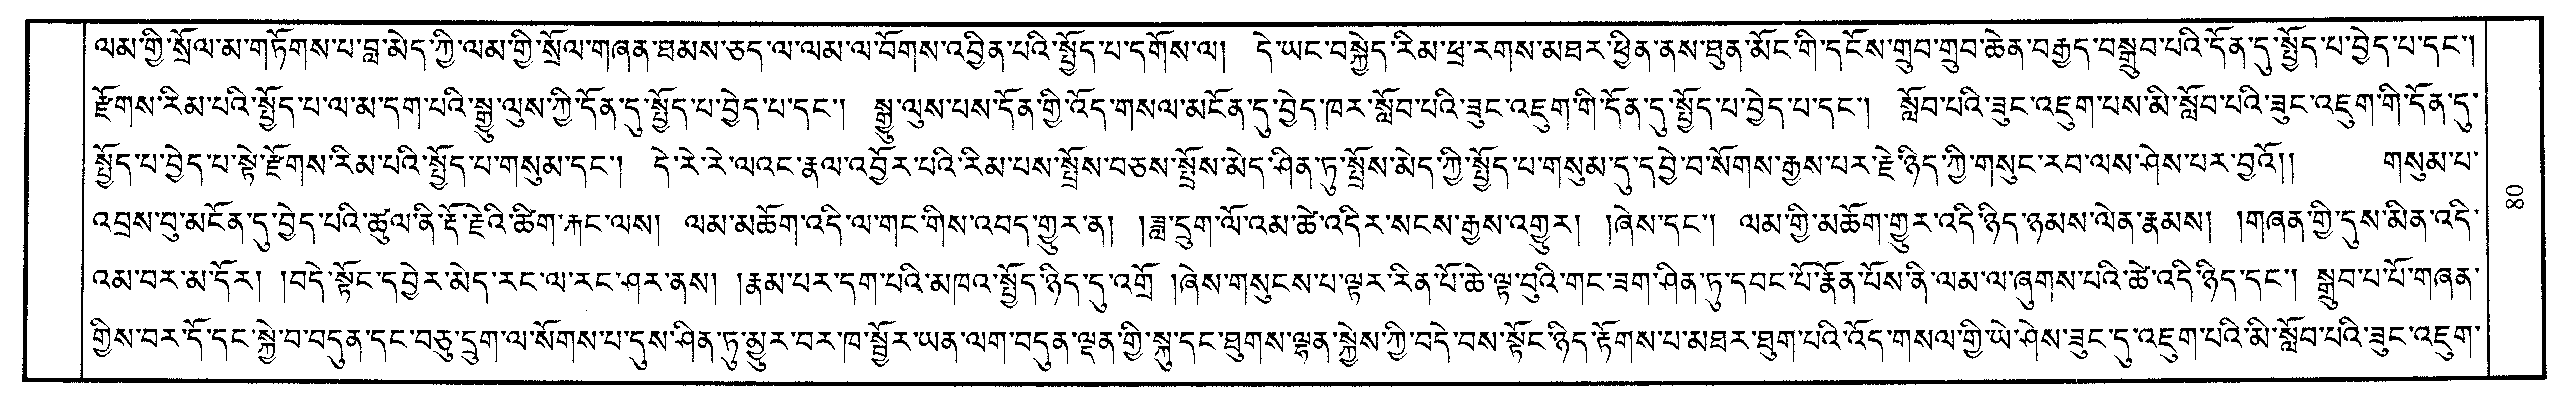ལམ་གྱི་སྲོལ་མ་གཏོགས་པ་བླ་མེད་ཀྱི་ལམ་གྱི་སྲོལ་གཞན་ཐམས་ཅད་ལ་ལམ་ལ་བོགས་འབྱིན་པའི་སྤྱོད་པ་དགོས་ལ། དེ་ཡང་བསྐྱེད་རིམ་ཕྲ་རགས་མཐར་ཕྱིན་ནས་ཐུན་མོང་གི་དངོས་གྲུབ་གྲུབ་ཆེན་བརྒྱད་བསྒྲུབ་པའི་དོན་དུ་སྤྱོད་པ་བྱེད་པ་དང་།
རྫོགས་རིམ་པའི་སྤྱོད་པ་ལ་མ་དག་པའི་སྒྱུ་ལུས་ཀྱི་དོན་དུ་སྤྱོད་པ་བྱེད་པ་དང་། སྒྱུ་ལུས་པས་དོན་གྱི་འོད་གསལ་མངོན་དུ་བྱེད་ཁར་སློབ་པའི་ཟུང་འཇུག་གི་དོན་དུ་སྤྱོད་པ་བྱེད་པ་དང་། སློབ་པའི་ཟུང་འཇུག་པས་མི་སློབ་པའི་ཟུང་འཇུག་གི་དོན་དུ་
སྤྱོད་པ་བྱེད་པ་སྟེ་རྫོགས་རིམ་པའི་སྤྱོད་པ་གསུམ་དང་། དེ་རེ་རེ་ལའང་རྣལ་འབྱོར་པའི་རིམ་པས་སྤྲོས་བཅས་སྤྲོས་མེད་ཤི་ཏུ་སྤྲོས་མེད་ཀྱི་སྤྱོད་པ་གསུམ་དུ་དབྱེ་བ་སོགས་རྒྱས་པར་རྗེ་ཉིད་ཀྱི་གསུང་རབ་ལས་ཤེས་པར་བྱའོ།། གསུམ་པ་
འབྲས་བུ་མངོན་དུ་བྱེད་པའི་ཚུལ་ནི་རྡོ་རྗེའི་ཚིག་རྐང་ལས། ལམ་མཆོག་འདི་ལ་གང་གིས་འབད་གྱུར་ན། །ཟླ་དྲུག་ལོ་འམ་ཚེ་འདིར་སངས་རྒྱས་འགྱུར། །ཞེས་དང་། ལམ་གྱི་མཆོག་གྱུར་འདི་ཉིད་ཉམས་ལེན་རྣམས། །གཞན་གྱི་དུས་མིན་འདི་
འམ་བར་མ་དོར། །བདེ་སྟོང་དབྱེར་མེད་རང་ལ་རང་ཤར་ནས། །རྣམ་པར་དག་པའི་མཁའ་སྤྱོད་ཉིད་དུ་འགྲོ། ཞེས་གསུངས་པ་ལྟར་རིན་པོ་ཆེ་ལྟ་བུའི་གང་ཟག་ཤིན་ཏུ་དབང་པོ་རྣོན་པོས་ནི་ལམ་ལ་ཞུགས་པའི་ཚེ་འདི་ཉིད་དང་། སྒྲུབ་པ་པོ་གཞན་
གྱིས་བར་དོ་དང་སྐྱེ་བ་བདུན་དང་བཅུ་དྲུག་ལ་སོགས་པ་དུས་ཤིན་ཏུ་མྱུར་བར་ཁ་སྦྱོར་ཡན་ལག་བདུན་ལྡན་གྱི་སྐུ་དང་ཐུགས་ལྷན་སྐྱེས་ཀྱི་བདེ་བས་སྟོང་ཉིད་རྟོགས་པ་མཐར་ཐུག་པའི་འོད་གསལ་གྱི་ཡེ་ཤེས་ཟུང་དུ་འཇུག་པའི་མི་སློབ་པའི་ཟུང་འཇུག་